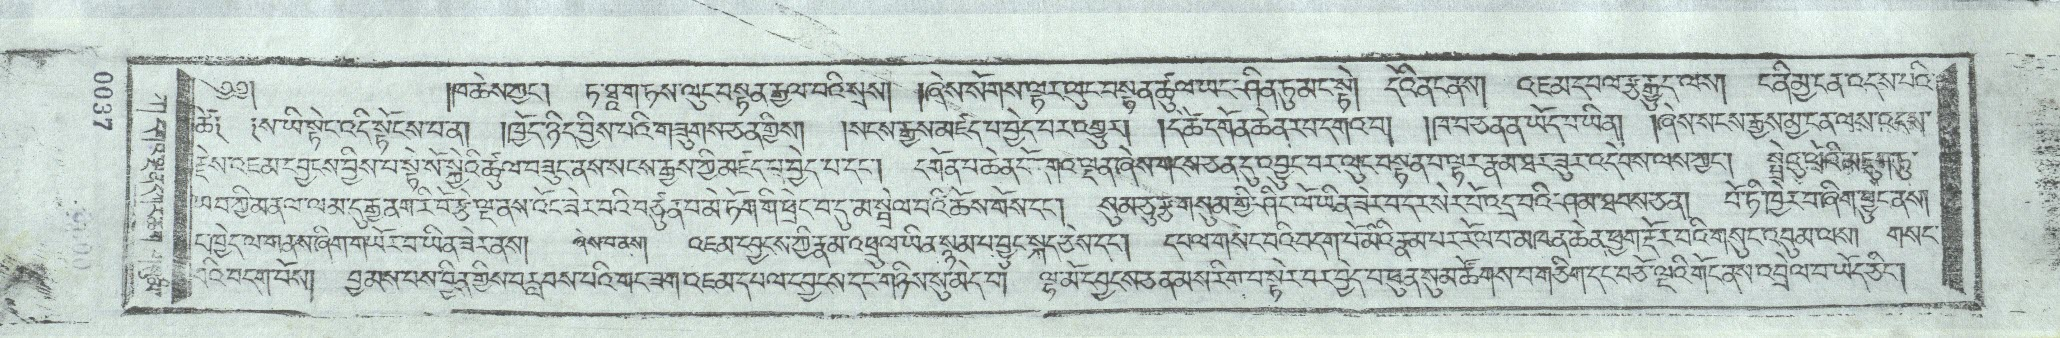༄༅། །ཁ་ཆེས་ཀྱང་། ཏ་ཐཱ་ག་ཏས་ལུང་བསྟན་རྒྱལ་བའི་སྲས། །ཞེས་སོགས་ལྟར་ལུང་བསྟན་ཚུལ་ཡང་ཤིན་ཏུ་མང་སྟེ། དེའི་ནང་ནས། འཇམ་དཔལ་རྩ་རྒྱུད་ལས། ང་ནི་མྱ་ངན་འདས་པའི་
ཚེ། །ས་ཡི་སྟེང་འདི་སྟོངས་པ་ན། །ཁྱོད་ཉིད་བྱིས་པའི་གཟུགས་ཅན་གྱིས། །སངས་རྒྱས་མཛད་པ་བྱེད་པར་འགྱུར། །དེ་ཚེ་དགོན་ཆེན་རབ་དགའ་བ། །ཁ་བ་ཅན་ན་ཡོད་པ་ཡིན། །ཞེས་སངས་རྒྱས་མྱ་ངན་ལས་འདས་
རྗེས་འཇམ་དབྱངས་བྱིས་པ་སྟེ་སོ་སྐྱེའི་ཚུལ་བཟུང་ནས་སངས་རྒྱས་ཀྱི་མཛད་པ་བྱེད་པ་དང་། དགོན་པ་ཆེན་པོ་དགའ་ལྡན་ཞེས་གངས་ཅན་དུ་འབྱུང་བར་ལུང་བསྟན་པ་ལྟར་རྣམ་ཐར་ཟུར་འདེབས་ལས་ཀྱང་། སྤྲེའུ་ལོའི་མཇུག་ཏུ་
ཡབ་ཀྱི་མན་ལ་ལམ་དུ་རྒྱ་ནག་རི་བོ་རྩེ་ལྔ་ནས་འོད་ཟེར་བའི་བཙུན་པ་མེ་ཏོག་གི་ཕྲེང་བ་དུ་མ་སྦྲེལ་བའི་ཆོས་གོས་དང་། སུམ་ཅུ་རྩ་གསུམ་གྱི་ཤིང་ལོ་ཡིན་ཟེར་བ་དར་སེར་པོ་འདྲ་བའི་ཤམ་ཐབས་ཅན། པོ་ཏི་ཁྱེར་བཞིག་བྱུང་ནས།
ང་ཁྱེད་ལ་གནས་ཞིག་གཡོར་བ་ཡིན་ཟེར་ནས། ཞེས་པ་ནས། འཇམ་དབྱངས་ཀྱི་རྣམ་འཕྲུལ་ཡིན་སྙམ་པ་བྱུང་སྐད་ཅེས་དང་། དཔལ་གསང་བའི་བདག་པོ་མིའི་རྣམ་པར་རོལ་པ་མཁན་ཆེན་ཕྱག་རྡོར་པའི་གསུང་འབུམ་ལས། གསང་
བའི་བདག་པོས། བྱམས་པས་བྱིན་གྱིས་བརླབས་པའི་གང་ཟག་འཇམ་དཔལ་དབྱངས་དང་གཉིས་སུ་མེད་པ། ལྷ་མོ་དབྱངས་ཅན་མས་རིག་པ་སྟེར་བར་བྱེད་པ་ཕུན་སུམ་ཚོགས་པ་གཅིག་དང་བཅོ་ལྔའི་གོང་ནས་འབྲེལ་བ་ཡོད་ཅིང་།